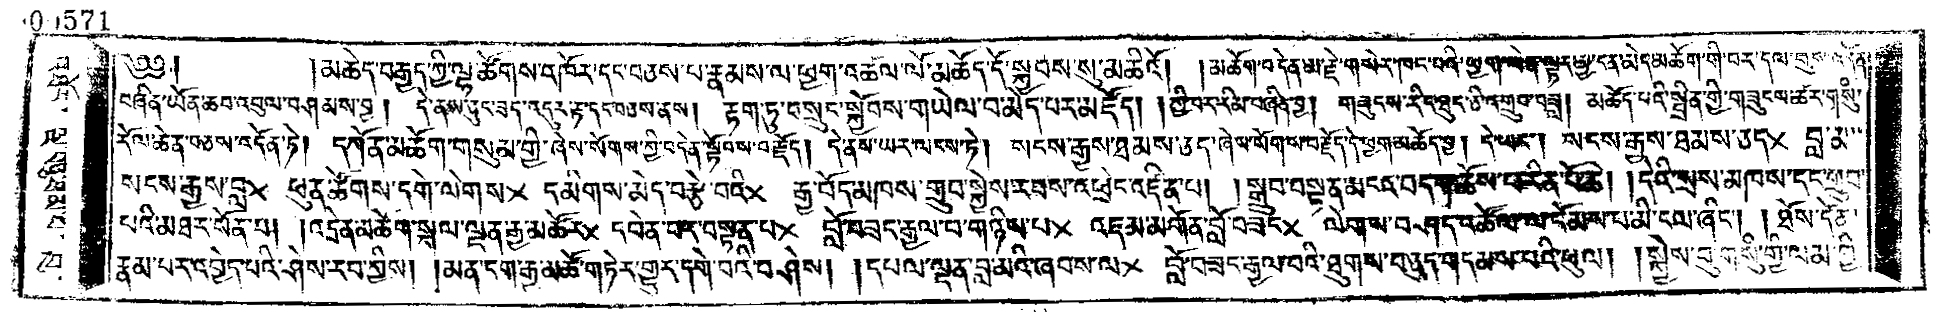༄༅། །མཆེད་བརྒྱད་ཀྱི་ལྷ་ཚོགས་འཁོར་དང་བཅས་པ་རྣམས་ལ་ཕྱག་འཚལ་ལོ་མཆོད་དོ་སྐྱབས་སུ་མཆིའོ། །མཆོག་བདེན་མ་རྗེ་གསེར་ཁང་པའི་ཕྱག་ལེན་ལྟར་མྱ་ངན་མེད་མཆོག་གི་བར་དལ་བུས་འདོན་
བཞིན་ཡོན་ཆབ་འབུལ་བཤམས་བྱ། དེ་ནས་ཅུང་ཟད་འདུར་རྟ་དང་བཅས་ནས། རྟག་ཏུ་བསྲུང་སྐྱོབས་གཡེལ་བ་མེད་པར་མཛོད། །ཀྱི་བར་རིམ་བཞིན་བྱ། གཟུངས་རིང་ཐུང་ཅི་འགྲུབ་བཟླ། མཆོད་པའི་སྤྲིན་གྱི་གཟུངས་ཚར་གསུམ་
རོལ་ཆེན་བཅས་འདོན་ཏེ། དཀོན་མཆོག་གསུམ་གྱི་ཞེས་སོགས་ཀྱི་བདེན་སྟོབས་བརྗོད། དེ་ནས་ཡར་ལངས་ཏེ།  སངས་རྒྱས་ཐམས་ཅད་ཞེས་སོགས་བརྗོད་དེ་ཕྱག་མཆོད་བྱ། དེ་ཡང་། སངས་རྒྱས་ཐམས་ཅད྾་བླ་མ་
སངས་རྒྱས་བླ྾་ཕུན་ཚོགས་དགེ་ལེགས྾་དམིགས་མེད་བརྩེ་བའི྾་རྒྱ་བོད་མཁས་གྲུབ་སྐྱེས་རབས་འཕྲེང་འཛིན་པ། །སྒྲུབ་བསྟན་མངའ་བདག་ཆོས་པ་རིན་པོ་ཆེ། །དེའི་སྲས་མཁས་དང་གྲུབ་
པའི་མཐར་སོན་པ། །འདྲེན་མཆོག་སྐལ་ལྡན་རྒྱ་མཚོར྾་དབེན་པར་བསྟན་པ྾་བློ་བཟང་རྒྱལ་བ་གཉིས་པ྾་འཇམ་མགོན་བློ་བཟང྾་ལེགས་བཤད་འཚོལ་ལ་ངོམས་པ་མི་ངལ་ཞིང་། །ཐོས་དོན་
རྣམ་པར་འབྱེད་པའི་ཤེས་རབ་ཀྱིས། །མན་ངག་རྒྱ་མཚོ་གཏེར་གྱུར་དགེ་བའི་བཤེས། །དཔལ་ལྡན་བླ་མའི་ཞབས་ལ྾་བློ་བཟང་རྒྱལ་བའི་ཐུགས་བཅུད་གདམས་པའི་ཕུལ། །སྐྱེས་བུ་གསུམ་གྱི་ལམ་གྱི་